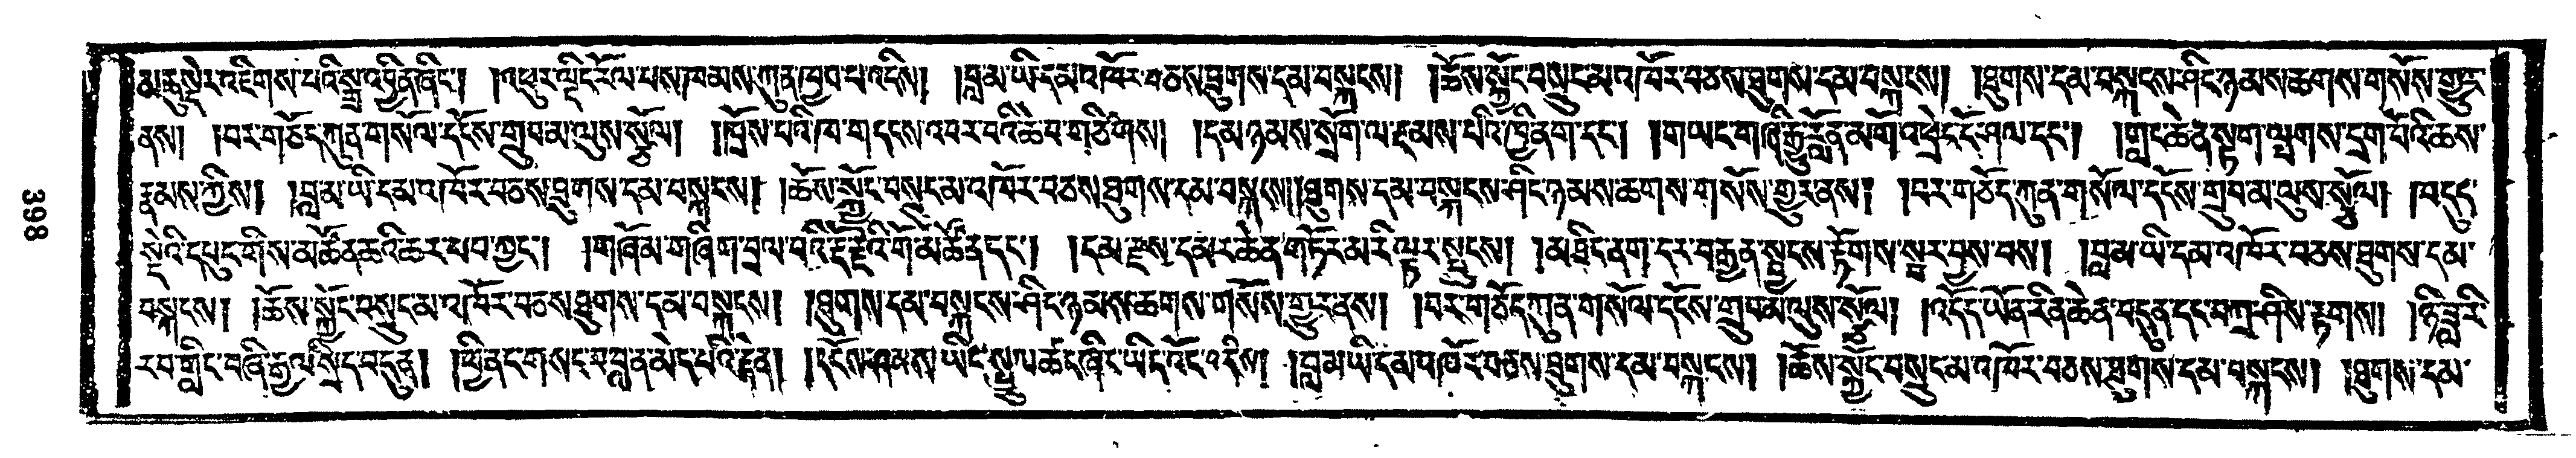མཆུ་སྡེར་འཇིགས་པའི་སྒྲ་འབྱིན་ཞིང་། །འཕུར་ལྡིང་རོལ་པས་ཁམས་ཀུན་ཁྱབ་པ་འདིས། །བླ་མ་ཡི་དམ་འཁོར་བཅས་ཐུགས་དམ་བསྐངས། །ཆོས་སྐྱོང་བསྲུང་མ་འཁོར་བཅས་ཐུགས་དམ་བསྐངས། །ཐུགས་དམ་བསྐངས་ཤིང་ཉམས་ཆགས་གསོས་གྱུར་
ནས། །བར་གཅོད་ཀུན་གསོལ་དངོས་གྲུབ་མ་ལུས་སྩོལ། །ཁྲོས་པའི་ཁ་གདངས་འབར་བའི་ཆེ་བ་གཙིགས། །དམ་ཉམས་སྲོག་ལ་རྔམས་པའི་ཁྱི་ནག་དང་། །གཡང་གཞི་རྒྱུ་རློན་མགོ་འཕྲེང་དོ་ཤལ་དང་། །གླང་ཆེན་སྟག་ལྤགས་དྲག་པོའི་ཆས་
རྣམས་ཀྱིས། །བླ་མ་ཡི་དམ་འཁོར་བཅས་ཐུགས་དམ་བསྐངས། །ཆོས་སྐྱོང་བསྲུང་མ་འཁོར་བཅས་ཐུགས་དམ་བསྐངས། །ཐུགས་དམ་བསྐངས་ཤིང་ཉམས་ཆགས་གསོས་གྱུར་ནས། །བར་གཅོད་ཀུན་གསོལ་དངོས་གྲུབ་མ་ལུས་སྩོལ། །བདུད་
སྡེའི་དཔུང་གིས་མཚོན་ཆའི་ཆར་ཕབ་ཀྱང་། །གཞོམ་གཞིག་བྲལ་བའི་རྡོ་རྗེའི་གོ་མཚོན་དང་། །དམ་རྫས་དམར་ཆེན་གཏོར་མ་རི་ལྟར་སྤུངས། །མཐིང་ནག་དར་བརྒྱན་སྦྱངས་རྟོགས་སྦར་བྱས་བས། །བླ་མ་ཡི་དམ་འཁོར་བཅས་ཐུགས་དམ་
བསྐངས། །ཆོས་སྐྱོང་བསྲུང་མ་འཁོར་བཅས་ཐུགས་དམ་བསྐངས། །ཐུགས་དམ་བསྐངས་ཤིང་ཉམས་ཆགས་གསོས་གྱུར་ནས། །བར་གཅོད་ཀུན་གསོལ་དངོས་གྲུབ་མ་ལུས་སྩོལ། །འདོད་ཡོན་རིན་ཆེན་བདུན་དང་བཀྲ་ཤིས་རྟགས། །ཉི་ཟླ་རི་
རབ་གླིང་བཞི་རྒྱལ་སྲིད་བདུན། །ཕྱི་ནང་གསང་བ་བླ་ན་མེད་པའི་རྟེན། །དངོས་ཤམས་ཡིད་སྤྲུལ་ཚང་ཞིང་ཡིད་འོང་འདིས། །བླ་མ་ཡི་དམ་འཁོར་བཅས་ཐུགས་དམ་བསྐངས། །ཆོས་སྐྱོང་བསྲུང་མ་འཁོར་བཅས་ཐུགས་དམ་བསྐངས། །ཐུགས་དམ་